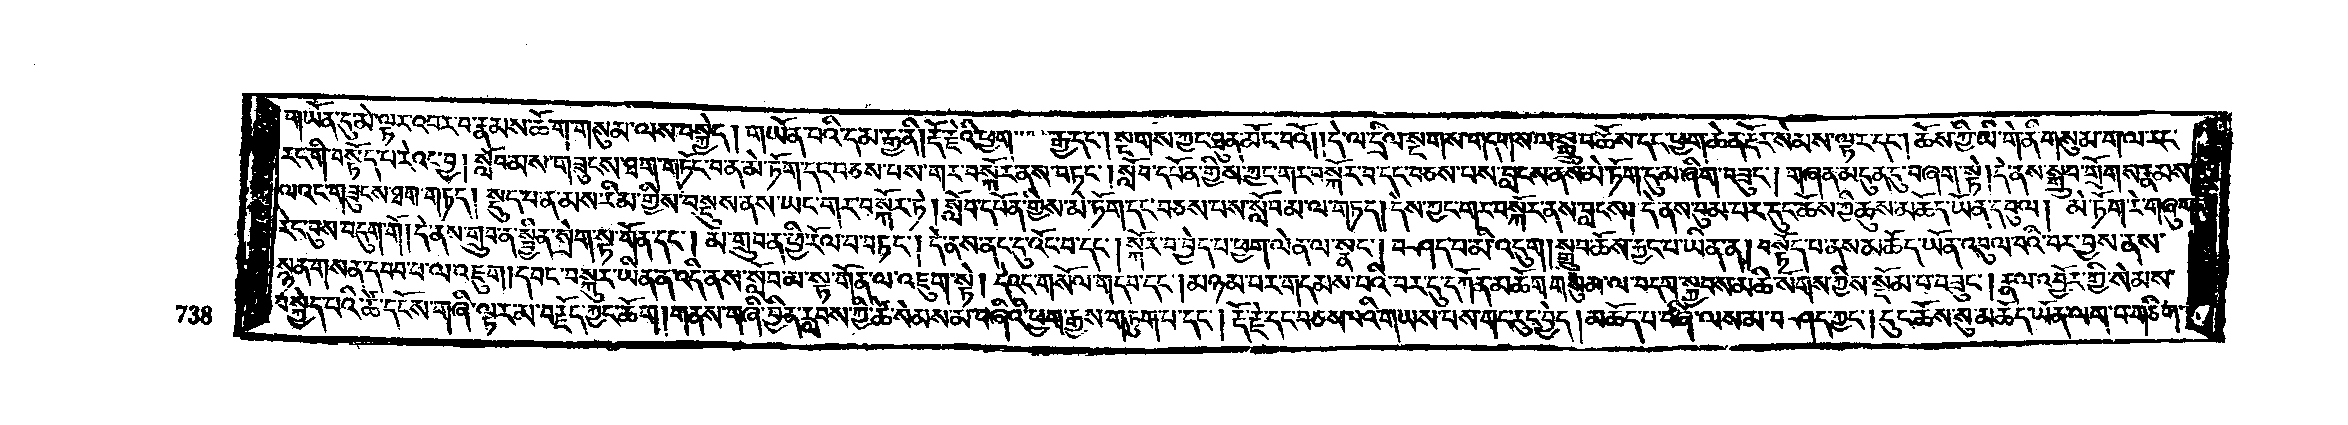གཡོན་དུ་མེ་ལྟར་འབར་བ་རྣམས་ཆོ་ག་གསུམ་ལས་བསྐྱེད། གཡོན་པའི་དམ་རྒྱ་ནི། རྡོ་རྗེའི་ཕྱག་རྒྱ་དང་། སྔགས་ཀྱང་ཐུན་མོང་བའོ། །དེ་ལ་དྲིལ་སྔགས་གདགས་ལ་སྒྲུབ་ཆོས་དང་ཕྱག་ཆེན་རྡོར་སེམས་ལྟར་དང་། ཆོས་ཀྱི་ཡི་གེ་ནི་གསུམ་ག་ལ་རང་
རང་གི་བསྟོད་པ་རེའང་བྱ། སློབ་མས་གཟུངས་ཐག་གཏོང་བ་ན་མེ་ཏོག་དང་བཅས་པས་གར་བསྐོར་ནས་བཏང་། སློབ་དཔོན་གྱིས་ཀྱང་གར་བསྐོར་བ་དང་བཅས་པས་བླངས་ནས་མེ་ཏོག་དུ་མ་ཞིག་བཟུང་། གཞན་མདུན་དུ་བཞག་སྟེ། དེ་ནས་སྒྲུབ་གྲོགས་རྣམས་
ལའང་གཟུངས་ཐག་གཏད། སྡུད་པ་ན་མས་རིམ་གྱིས་བསྡུས་ནས་ཡང་གར་བསྐོར་ཏེ། སློབ་དཔོན་གྱིས་མེ་ཏོག་དང་བཅས་པས་སློབ་མ་ལ་གཏད། དེས་ཀྱང་གར་བསྐོར་ནས་བླངས། དེ་ནས་བུམ་པར་དུང་ཆོས་ཀྱི་ཆུས་མཆོད་ཡོན་དབུལ། མེ་ཏོག་རེ་གཞུགས་
རེང་བུས་བདུག་གོ །དེ་ནས་གྲུབ་ན་སྦྱིན་སྲེག་སྟ་གོན་དང་། མ་གྲུབ་ན་ཕྱི་རོལ་པ་བཏང་། དེ་ནས་ནང་དུ་འོང་བ་དང་། སྐོར་བ་བྱེད་པ་ཕྱག་ལེན་ལ་སྣང་། བཤད་པ་མི་འདུག །སྒྲུབ་ཆོས་རྐྱང་པ་ཡིན་ན། བསྟོད་པ་ནས་མཆོད་ཡོན་འབུལ་བའི་བར་བྱས་ནས་
སྙན་གསན་དབབ་པ་ལ་འཇུག །དབང་བསྐུར་ཡིན་ན་འདི་ནས་སློབ་མ་སྟ་གོན་ལ་འཇུག་སྟེ། དེའང་གསོལ་གདབ་དང་། མཉམ་པར་གདམས་པའི་བར་དུ་དཀོན་མཆོག་གསུམ་ལ་བདག་སྐྱབས་མཆི་སོགས་ཀྱིས་སྡོམ་པ་བཟུང་། རྣལ་འབྱོར་གྱི་སེམས་
བསྐྱེད་པའི་ཚེ་དངོས་གཞི་ལྟར་མ་བརྗོད་ཀྱང་ཆོག །གནས་གཞི་བྱིན་རླབས་ཀྱི་ཚེ་སེམས་མ་བཞིའི་ཕྱག་རྒྱས་གཏུག་པ་དང་། རྡོ་རྗེ་དང་བཅས་པའི་གཡས་པས་གང་རུང་བྱེད། མཆོད་པ་བཞི་ལས་མ་བཤད་ཀྱང་། དུང་ཆོས་སུ་མཆོད་ཡོན་ལག་པ་གཅིག་